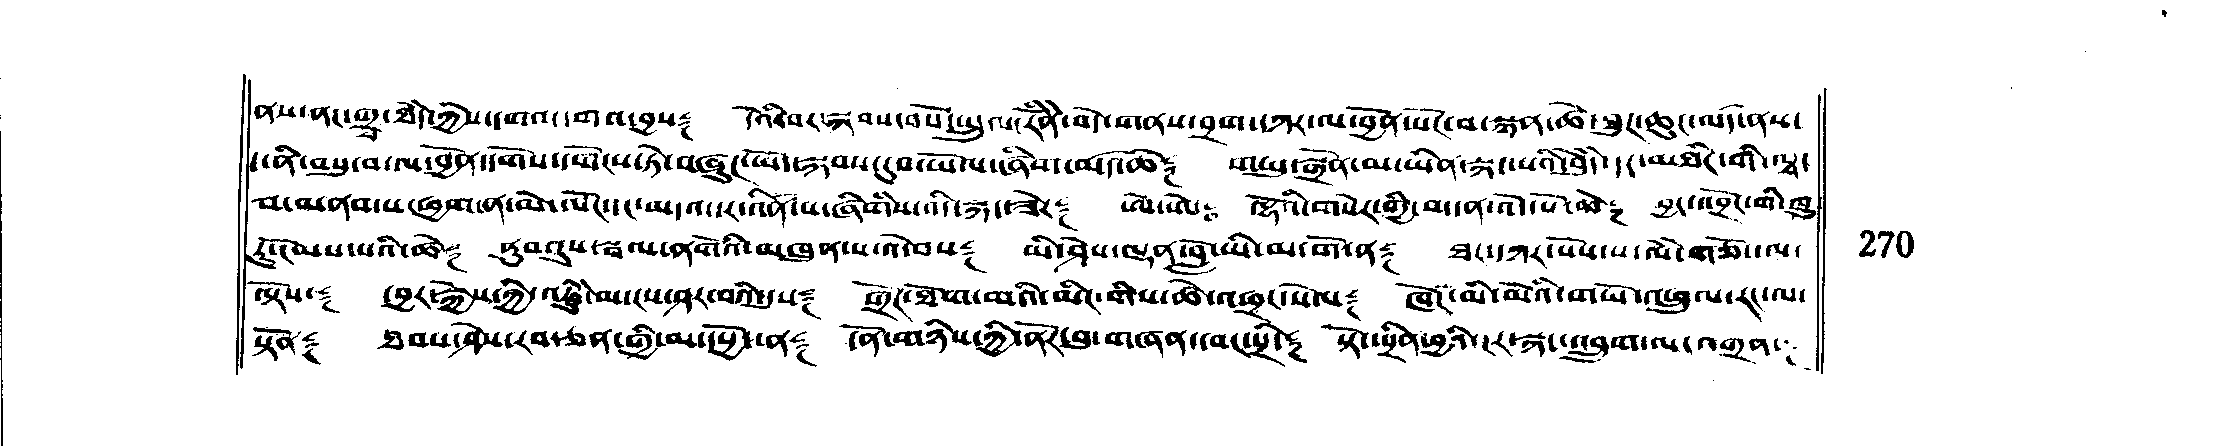ནས་ནང་གྲྭ་ཐམས་ཅད་ཀྱིས་དགའ་དགའ་བྱས། དེའི་བར་སྐབས་བསོ་སྤྲུལ་རིན་པོ་ཆེ་བདེ་གནས་བྲག་དཀར་ལ་བྱོན་སོང་བ་སྙན་ཚེ་ཐུགས་ཆུང་མཛད་ནས་
ད་ནི་བསུ་བ་ལ་བྱོན་དགོས་དགོངས་ཏེ་བཞུགས་ཡོད་སྐབས་དུབ་ཡོལ་ཞིག་མཛད་ཚེ། གཡུ་སྒྲོན་མ་ཡིན་སྐད་པའི་བུད་མེད་དར་མཐིང་གི་ལྭ་
བ་མནབ་པ་ཕྱག་ན་མེ་ལོང་དང་མདའ་དར་འཛིན་པ་ཞིག་གིས་འདི་སྐད་ཟེར། ཨེ་ཨེཿ ལྷོའི་གསེར་གྱི་བ་དན་འོད་པོ་ཆེ། །བྱང་འབྲོང་གི་ཁུ་
རུ་ངོམས་པའི་ཚེ། །ནུབ་རུས་སྦལ་ནག་པོའི་མཁུན་པ་འདེབས། །མི་ཤེས་ལྡན་བློ་ཡི་མ་གོ་ན། །ཐང་དཀར་པོས་ས་ལམ་གཅོད་ལ་
ལྟོས། །དབྱར་སྐྱེས་ཀྱི་འཛུམ་མདངས་ཤར་བའི་དུས། །གྲོགས་ཐོག་མའི་མིང་གིས་ཚེ་འཕྲང་སེལ། ཁོང་མི་མོའི་གཡོ་འཕྲུལ་རང་ལ་
སྟོན། །ཐབས་ཤེས་རབ་ཅན་གྱི་མ་དཔྱོད་ན། །དོན་གཉིས་ཀྱི་ནོར་བུ་གཞན་དབང་སྲིད། །སྟོད་སྲིན་བྱའི་ངར་སྐད་འབྲུག་ལ་འགྲན།